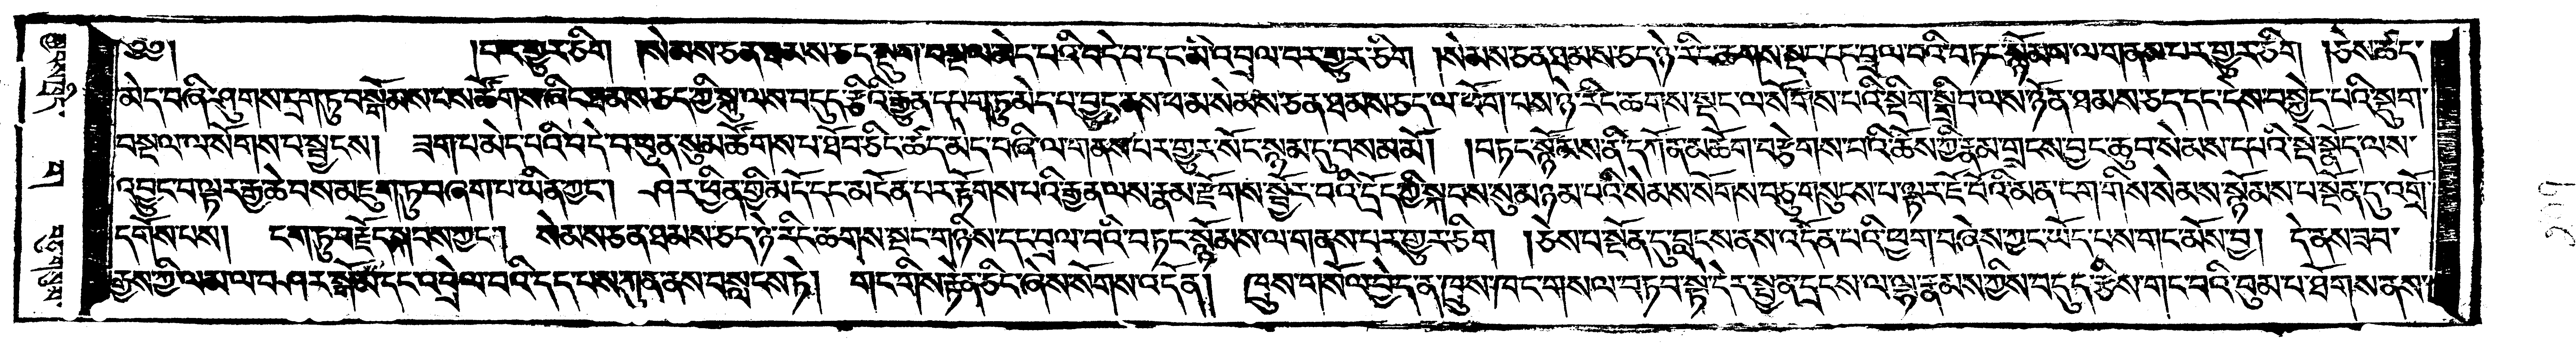༄༅། །བར་གྱུར་ཅིག །སེམས་ཅན་ཐམས་ཅད་སྡུག་བསྔལ་མེད་པའི་བདེ་བ་དང་མི་འབྲལ་བར་གྱུར་ཅིག །སེམས་ཅན་ཐམས་ཅད་ཉེ་རིང་ཆགས་སྡང་དང་བྲལ་བའི་བཏང་སྙོམས་ལ་གནས་པར་གྱུར་ཅིག །ཅེས་ཚང་
མེད་བཞི་ཤུགས་དྲག་ཏུ་བསྒོམས་པས་ཚོགས་ཞིང་ཐམས་ཅད་ཀྱི་སྐུ་ལས་བདུད་རྩིའི་རྒྱུན་དཔག་ཏུ་མེད་པ་བྱུང་ནས་ཕ་མ་སེམས་ཅན་ཐམས་ཅད་ལ་ཕོག་པས་ཉེ་རིང་ཆགས་སྡང་ལ་སོགས་པའི་སྡིག་སྒྲིབ་ལས་ཉོན་ཐམས་ཅད་དང་དེས་བསྐྱེད་པའི་སྡུག་
བསྔལ་ལ་སོགས་པ་སྦྱངས། ཟག་པ་མེད་པའི་བདེ་བ་ཕུན་སུམ་ཚོགས་པ་ཐོབ་ཅིང་ཚད་མེད་བཞི་ལ་གནས་པར་གྱུར་སོང་སྙམ་དུ་བསམ་མོ། །བཏང་སྙོམས་ནི་དཀོན་མཆོག་བརྩེགས་པའི་ཆོས་ཀྱི་རྣམ་གྲངས་བྱང་ཆུབ་སེམས་དཔའི་སྡེ་སྣོད་ལས་
འབྱུང་བ་ལྟར་རྒྱ་ཆེ་བས་མཇུག་ཏུ་བཞག་པ་ཡིན་ཀྱང་། ཤེར་ཕྱིན་གྱི་མདོ་དང་མངོན་པར་རྟོགས་པའི་རྒྱན་ལས་རྣམ་རྫོགས་སྦྱོར་བའི་དྲོད་ཀྱི་སྐབས་སུ་མཉམ་པའི་སེམས་སོགས་བཅུ་གསུངས་པ་ལྟར་ཇོ་བོའི་མན་ངག་གིས་སེམས་སྙོམས་པ་སྔོན་དུ་འགྲོ་
དགོས་པས། ངག་ཏུ་བརྗོད་སྐབས་ཀྱང་། སེམས་ཅན་ཐམས་ཅད་ཉེ་རིང་ཆགས་སྡང་གཉིས་དང་བྲལ་བའི་བཏང་སྙོམས་ལ་གནས་པར་གྱུར་ཅིག །ཅེས་པ་སྔོན་དུ་བླངས་ནས་འདོན་པའི་ཕྱག་བཞེས་ཀྱང་ཡོད་པས་གང་མོས་བྱ། དེ་ནས་ཟབ་
རྒྱས་ཀྱི་ལམ་ལ་བཤར་སྒོམ་དང་འབྲེལ་བའི་དད་པས་ཀུན་ནས་བསླངས་ཏེ། གང་གིས་རྟེན་ཅིང་ཞེས་སོགས་འདོན། ཁྲུས་གསོལ་བྱེད་ན་ཁྲུས་ཁང་གསལ་བཏབ་སྟེ་དེར་སྤྱན་དྲངས་ལ་ལྷ་རྣམས་ཀྱིས་བདུད་རྩིས་གང་བའི་བུམ་པ་ཐོགས་ནས་